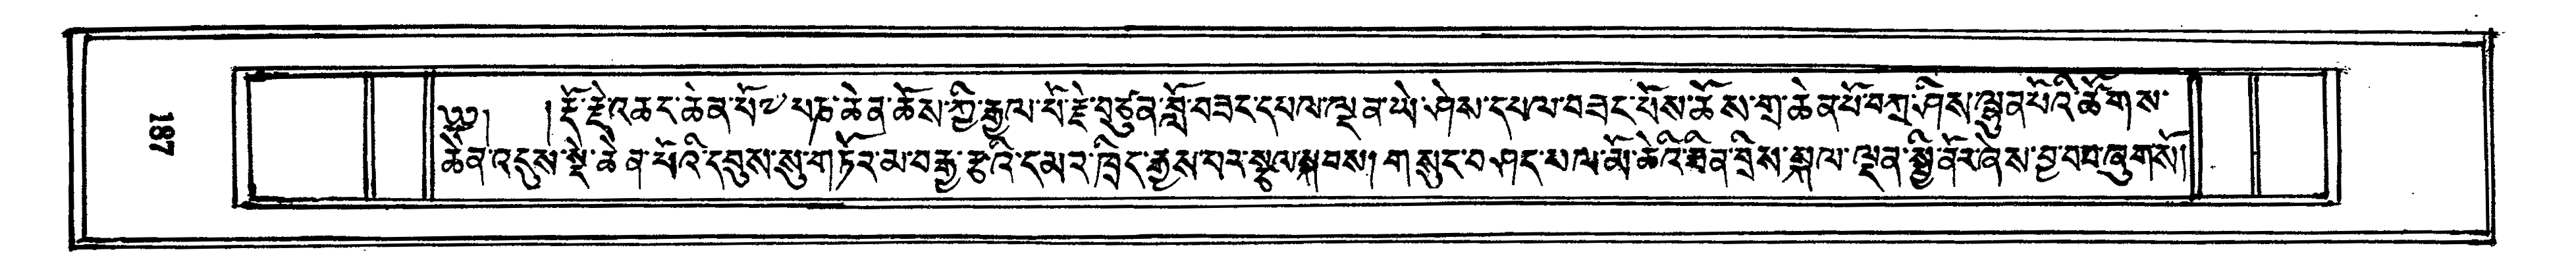༄༅། །རྡོ་རྗེ་འཆང་ཆེན་པོ ༧པཎ་ཆེན་ཆོས་ཀྱི་རྒྱལ་པོ་རྗེ་བཙུན་བློ་བཟང་དཔལ་ལྡན་ཡེ་ཤེས་དཔལ་བཟང་པོས་ཆོས་གྲྭ་ཆེན་པོ་བཀྲ་ཤིས་ལྷུན་པོའི་ཚོགས་
ཆེན་འདུས་སྡེ་ཆེན་པོའི་དབུས་སུ་གཏོར་མ་བརྒྱ་རྩའི་དམར་ཁྲིད་རྒྱས་པར་སྩལ་སྐབས། གསུང་བཤད་ཕལ་མོ་ཆེའི་ཟིན་བྲིས་སྐལ་ལྡན་སྤྱི་ནོར་ཞེས་བྱ་བ་བཞུགསོ། །